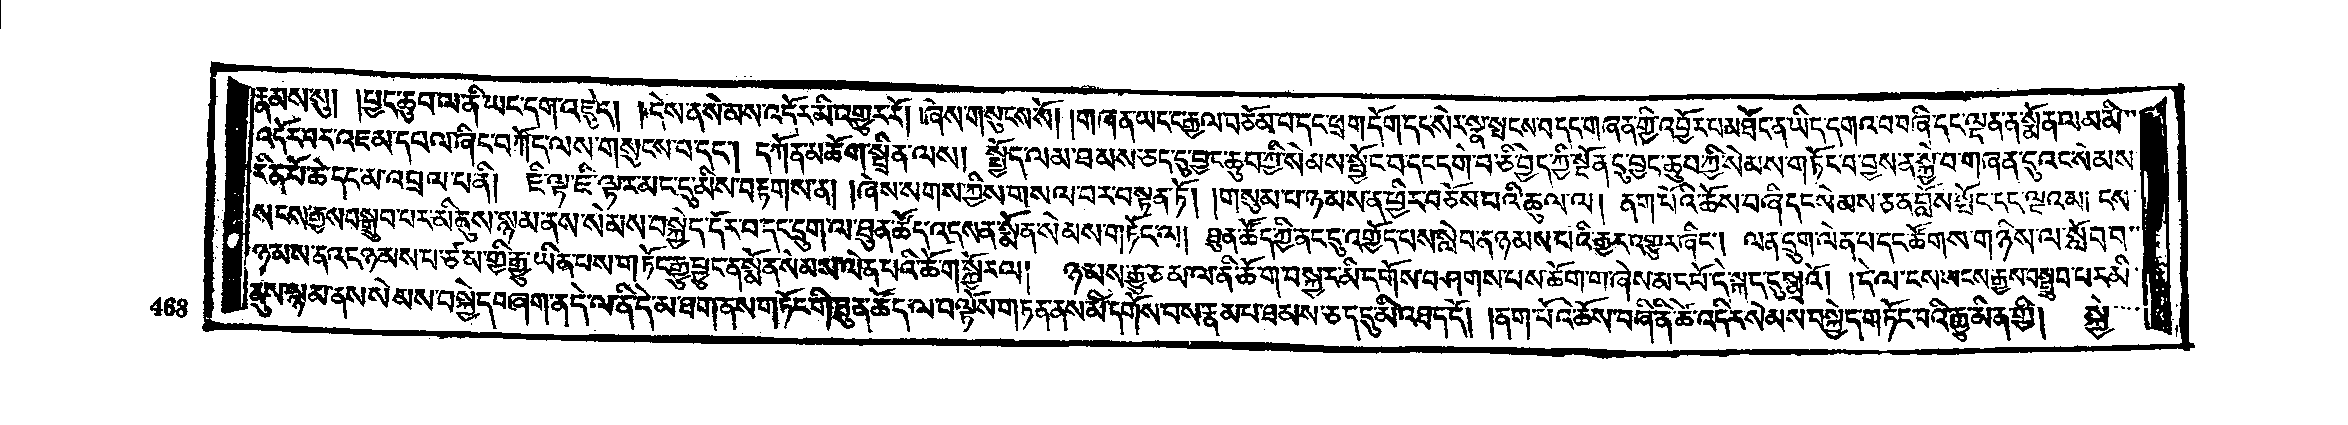རྣམས་སུ། །བྱང་ཆུབ་ལ་ནི་ཡང་དག་འཛུད། །དེས་ན་སེམས་འདོར་མི་འགྱུར་རོ། །ཞེས་གསུངས་སོ། །གཞན་ཡང་ང་རྒྱལ་བཅོམ་པ་དང་ཕྲག་དོག་དང་སེར་སྣ་སྤངས་བ་དང་གཞན་གྱི་འབྱོར་པ་མཐོང་ན་ཡིད་དགའ་བ་བཞི་དང་ལྡན་ན་སྨོན་ལམ་མི་
འདོར་བར་འཇམ་དཔལ་ཞིང་བཀོད་ལས་གསུངས་པ་དང་། དཀོན་མཆོག་སྤྲིན་ལས། སྤྱོད་ལམ་ཐམས་ཅད་དུ་བྱང་ཆུབ་ཀྱི་སེམས་སྦྱོང་བ་དང་དགེ་བ་ཅི་བྱེད་ཀྱི་སྔོན་དུ་བྱང་ཆུབ་ཀྱི་སེམས་གཏོང་བ་བྱས་ན་སྐྱེ་བ་གཞན་དུའང་སེམས་
རིན་པོ་ཆེ་དང་མི་འབྲལ་བ་ནི། ཇི་ལྟ་ཇི་ལྟར་མང་དུ་མིས་བརྟགས་ན། །ཞེས་སོགས་ཀྱིས་གསལ་བར་བསྟན་ཏོ། །གསུམ་པ་ཉམས་ན་ཕྱིར་བཅོས་པའི་ཚུལ་ལ། ནག་པོའི་ཆོས་བཞི་དང་སེམས་ཅན་བློས་སྤོང་དང་ལྔའམ། ངས་
སངས་རྒྱས་བསྒྲུབ་པར་མི་ནུས་སྙམ་ནས་སེམས་བསྐྱེད་དོར་བ་དང་དྲུག་ལ་ཐུན་ཚོད་འདས་ན་སྨོན་སེམས་གཏོང་ལ། ཐུན་ཚོད་ཀྱི་ནང་དུ་འགྱོད་པས་སླེབ་ན་ཉམས་པའི་རྒྱུར་འགྱུར་ཞིང་། ལན་དྲུག་ལེན་པ་དང་ཚོགས་གཉིས་ལ་སློབ་པ་
ཉམས་ནའང་ཉམས་པ་ཙམ་གྱི་རྒྱུ་ཡིན་པས་གཏོང་རྒྱུ་བྱུང་ན་སྨོན་སེམས་ལེན་པའི་ཆོ་ག་སྐྱོར་ལ། ཉམས་རྒྱུ་ཙམ་ལ་ནི་ཆོ་ག་བསྐྱར་མི་དགོས་བཤགས་པས་ཆོག་གོ་ཞེས་མང་པོ་དེ་སྐད་དུ་སྨྲའོ། །དེ་ལ་ངས་སངས་རྒྱས་བསྒྲུབ་པར་མི་
ནུས་སྙམ་ནས་སེམས་བསྐྱེད་བཞག་ན་དེ་ལ་ནི་དེ་མ་ཐག་ནས་གཏོང་གི་ཐུན་ཚོད་ལ་བལྟོས་གཏན་ནས་མི་དགོས་པས་རྣམ་པ་ཐམས་ཅད་དུ་མི་འཐད་དོ། །ནག་པོའི་ཆོས་བཞི་ནི་ཚེ་འདིར་སེམས་བསྐྱེད་གཏོང་བའི་རྒྱུ་མིན་གྱི། སྐྱེ་